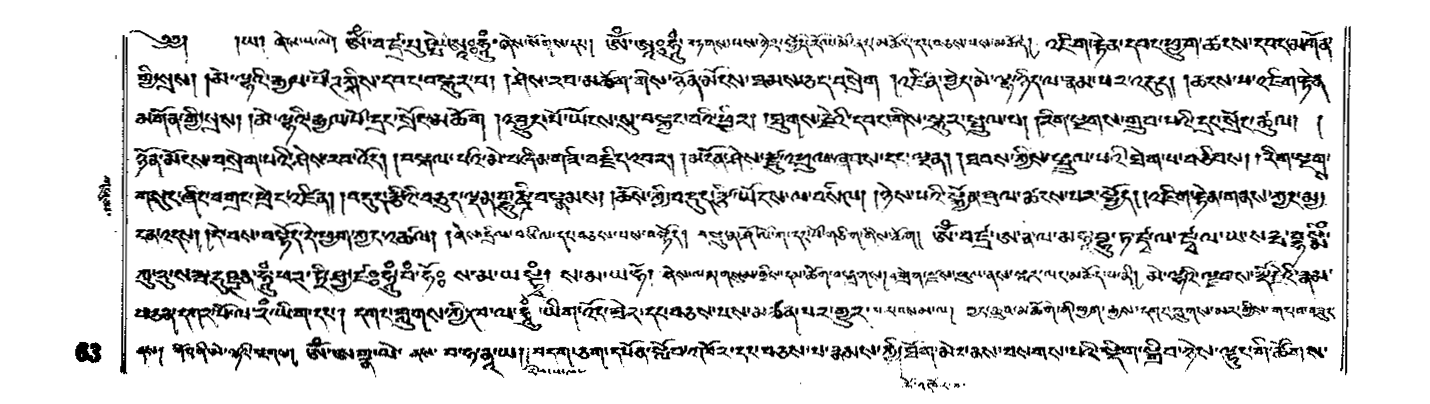༄༅། །ཡ། ཞེས་པ་ལི།  ཨོཾ་བཛྲ་པུཥྤེ་ཨཱཿ ཧཱུཾ་ཞེས་སོགས་དང་།  ཨོཾ་ཨཱཿ ཧཱུཾ་བཏགས་པས་?ལྟེར་སྤྱོད་རོལ་མོ་ནང་མཆོད་དང་བཅས་པས་མཆོད།  འཇིག་རྟེན་དབང་ཕྱུག་ཚངས་དབང་མགོན་
གྱི་སྲས། །མེ་ལྷའི་རྒྱལ་པོ་ཊཀྐིས་དབང་བསྐུར་བ། །ཤེས་རབ་མཆོག་གིས་ཉོན་མོངས་ཐམས་ཅད་བསྲེག །འཛིན་བྱེད་མེ་ལྷ་ཉིད་ལ་རྣམ་པར་འདུད། །ཆངས་པ་འཇིག་རྟེན་
མགོན་གྱི་སྲས། །མེ་ལྷའི་རྒྱལ་པོ་དྲང་སྲོང་མཆོག །འབྱུང་པོ་ཡོངས་སུ་བསྐྱང་བའི་ཕྱིར། །ཐུགས་རྗེའི་དབང་གིས་སྐུར་སྤྲུལ་པ། །རིག་སྔགས་གྲུབ་པའི་དྲང་སྲོང་ཚུལ། །
ཉོན་མོངས་བསྲེག་པའི་ཤེས་རབ་འོད། །བསྐལ་བའི་མེ་བཞིན་གཟི་བརྗིད་འབར། །མངོན་ཤེས་རྫུ་འཕྲུལ་ཞབས་དང་ལྡན། །ཐབས་ཀྱིས་སྤྲུལ་པའི་ཐེག་པ་བཅིངས། །རིག་སྔགས་
གསུང་ཞིང་བགྲང་ཕྲེང་འཛིན། །བདུད་རྩིའི་བཅུད་ལྡན་གྷུཎྜི་བསྣམས། །ཆོས་ཀྱི་བདུད་རྩི་ཡོངས་ལ་བསིལ། །ཉེས་པའི་སྐྱོན་བྲལ་ཚངས་པར་སྤྱོད། །འཇིག་རྟེན་གནས་ཀྱང་མྱ་
ངན་འདས། །དེ་བས་བསྟོད་དེ་ཕྱག་ཀྱང་འཚལ། ། ཞེས་དྲིལ་བསིལ་དང་བཅས་པས་བསྟོད། བསྡུ་ན་ཤོ་ལོ་ཀ་དང་པོ་གཅིག་གིས་ཆོག།  ཨོཾ་བཛྲ་ཨ་ན་ལ་མཧཱ་བྷུ་ཏ་ཛྭ་ལ་ཛྭ་ལ་ཡ་སརྦ་བྷསྨིཾ་
ཀུ་རུ་སརྦ་དུཥྚན་ཧཱུཾ་ཕཊ་ཏྲི་ཤྱ་ཛཿ ཧཱུཾ་བཾ་ཧོཿ ས་མ་ཡ་སྟྭཾ། ས་མ་ཡ་ཧོ། ཞེས་ལན་གསུམ་གྱིས་དམ་ཚིག་བསྒྲགས། བསྲེག་རྫས་ཕུལ་ནས་སླར་ཡང་མཆོད་པ་ནི།  མེ་ལྷའི་ལྗགས་རྡོ་རྗེའི་རྣམ་
པ་ཅན་དཀར་པོ་ལ་རཾ་ཡིག་དང་། དགང་བླུགས་ཀྱི་ཁ་ལ་ཧཱུཾ་ཡིག་འོད་ཟེར་དང་བཅས་པས་མཚན་པར་གྱུར་པར་བསམ་ལ། བྱང་ཆུབ་མཆོག་གི་ཕྱག་རྒྱས་དགང་བླུགས་མར་གྱིས་གང་བ་བཟུང་
ནས། ཀོང་གི་མེ་ལྷའི་སྔགས། ཨོཾ་ཨགན་ཡེ་ནས་བ་ཧ་ནཱ་ཡ། ངེས་པ་ལ?་བདག་ཅག་དཔོན་སློབ་འཁོར་དང་བཅས་པ་རྣམས་ཀྱི་ཚེ་འཁོར་བ་ཐོག་མེད་ནས་བསགས་པའི་སྡིག་སྒྲིབ་ཉེས་ལྟུང་གི་ཚོགས་